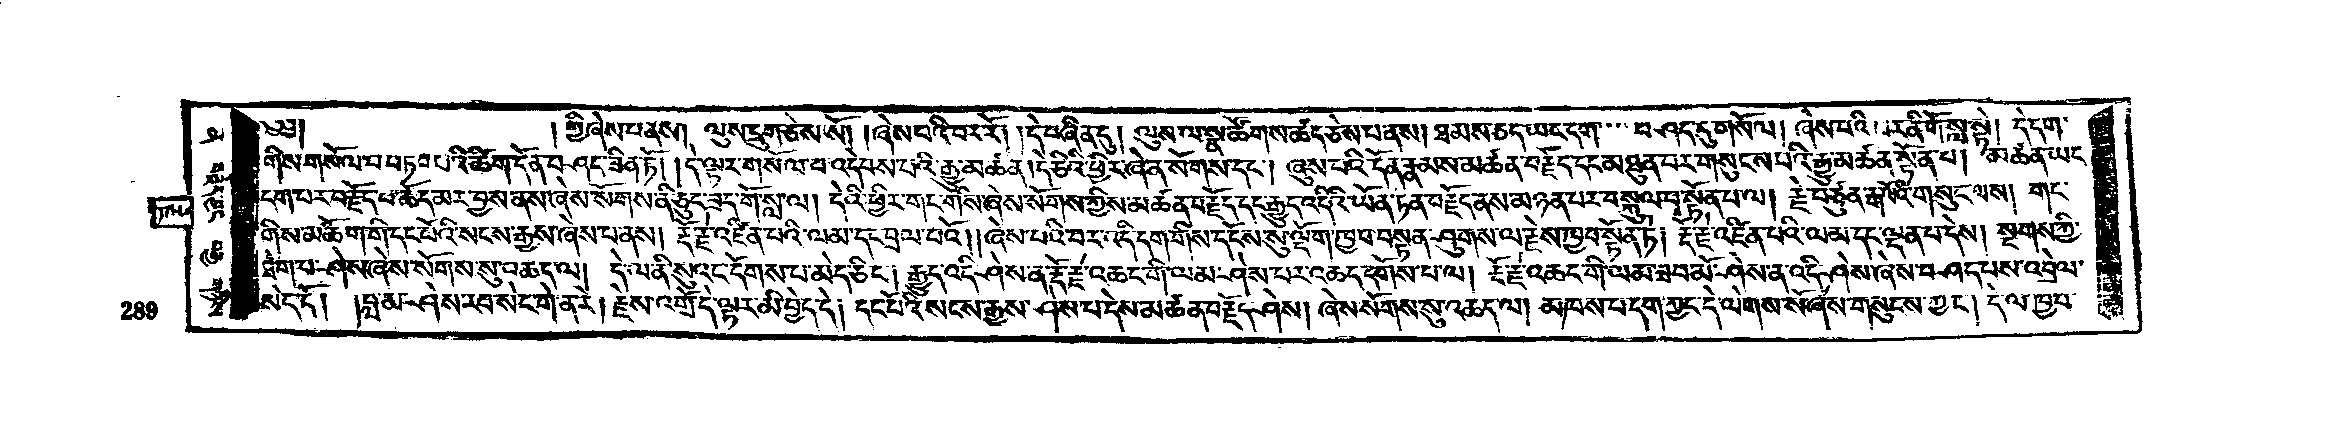༄༅། །ཀྱི་ཞེས་པ་ནས། ལུས་དྲུག་ཅེས་སོ། །ཞེས་པའི་བར་རོ། །དེ་བཞིན་དུ། ལུས་ལ་སྣ་ཚོགས་ཚད་ཅེས་པ་ནས། ཐམས་ཅད་ཡང་དག་བཤད་དུ་གསོལ། ཞེས་པའི་བར་ནི་གོ་སླ་སྟེ། དེ་དག་
གིས་གསོལ་བ་བཏབ་པའི་ཚིག་དོན་བཤད་ཟིན་ཏོ། །དེ་ལྟར་གསོལ་བ་འདེབས་པའི་རྒྱུ་མཚན། དེ་ཅིའི་ཕྱིར་ཞེ་ན་སོགས་དང་། ཞུས་པའི་དོན་རྣམས་མཚན་བརྗོད་དང་མཐུན་པར་གསུངས་པའི་རྒྱུ་མཚན་སྟོན་པ། མཚན་ཡང་
དག་པར་བརྗོད་པ་ཚད་མར་བྱས་ནས་ཞེས་སོགས་ནི་ཅུང་ཟད་གོ་སླ་ལ། དེའི་ཕྱིར་གང་གིས་ཞེས་སོགས་ཀྱིས་མཚན་བརྗོད་དང་རྒྱད་འདིའི་ཡོན་ཏན་བརྗོད་ནས་མཉན་པར་བསྐུལ་བ་སྟོན་པ་ལ། རྗེ་བཙུན་རྒ་ལོའི་གསུང་ལས། གང་
གིས་མཆོག་གི་དང་པོའི་སངས་རྒྱས་ཞེས་པ་ནས། རྡོ་རྗེ་འཛིན་པའི་ལམ་དང་བྲལ་བའོ། །ཞེས་པའི་བར་འདི་དག་གིས་དངོས་སུ་ལྡོག་ཁྱབ་བསྟན་ཤུགས་ལ་རྗེས་ཁྱབ་སྟོན་ཏེ། རྡོ་རྗེ་འཛིན་པའི་ལམ་དང་ལྡན་པ་དེས། སྔགས་ཀྱི་
ཐེག་པ་ཤེས་ཞེས་སོགས་སུ་འཆད་ལ། དེ་ལ་ནི་སུའང་དོགས་པ་མེད་ཅིང་། རྒྱུད་འདི་ཤེས་ན་རྡོ་རྗེ་འཆང་གི་ལམ་ཤེས་པར་འཆད་དགོས་པ་ལ། རྡོ་རྗེ་འཆང་གི་ལམ་ཟབ་མོ་ཤེས་ན་འདི་ཤེས་ཞེས་བཤད་པས་འབྲེལ་
མེད་དོ། །བླ་མ་ཤེས་རབ་སེང་གེ་ན་རེ། རྗེས་འགྲོ་དེ་ལྟར་མི་བྱེད་དེ། དང་པོའི་སངས་རྒྱས་ཤེས་པ་དེས་མཚན་བརྗོད་ཤེས། ཞེས་སོགས་སུ་འཆད་ལ། མཁས་པ་དག་ཀྱང་དེ་ལེགས་སོ་ཞེས་གསུངས་ཀྱང་། དེ་ལ་ཁྱབ་